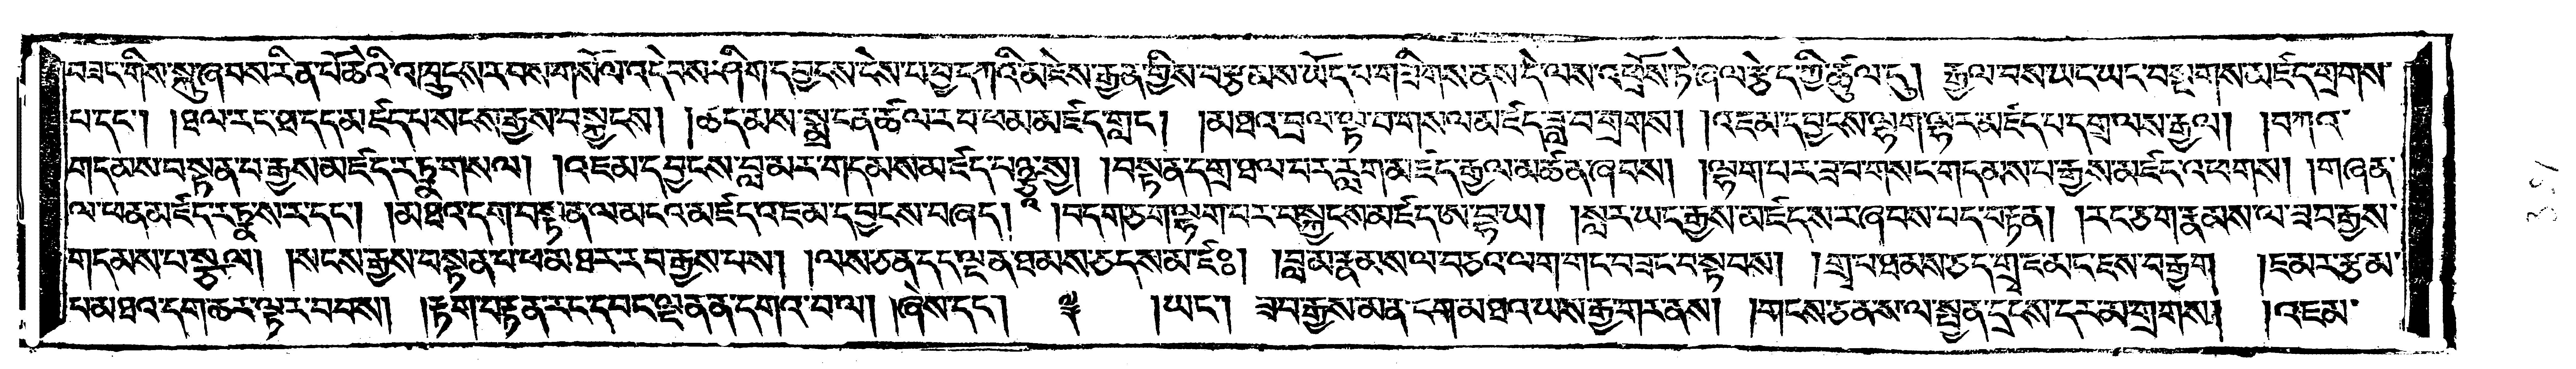བཟང་གིས་སྐུ་ཞབས་རིན་པོ་ཆེའི་འཁྲུངས་རབས་གསལ་འདེབས་ཤིག་དབྱངས་ངེས་པ་བྱ་དཀའི་མཛེས་རྒྱན་གྱིས་བརྩམས་ཡོད་པ་གཟིགས་ནས་དེ་ལས་འཕྲོས་ཏེ་ཞལ་རྩེད་ཀྱི་ཚུལ་དུ། རྒྱལ་བས་ཡང་ཡང་བསྔགས་མཛད་གྲགས་
པ་དང་། །ཐལ་རང་ཐ་དད་མཛད་པ་སངས་རྒྱས་བསྐྱངས། །ཚད་མས་སྨྲ་ངན་ཚལ་རབ་ཕམ་མཛད་གླང་། །མཐའ་བྲལ་ལྟ་བ་གསལ་མཛད་ཟླ་བ་གྲགས། །འཇམ་དབྱངས་ལྷག་ལྷར་མཛད་པ་དགྲ་ལས་རྒྱལ། །བཀའ་
གདམས་བསྟན་པ་རྒྱས་མཛད་རཏྣ་གསལ། །འཇམ་དབྱངས་བླ་མར་གདམས་མཛད་པཉྩཱ་སྱ། །བསྟན་དགྲ་ཐལ་བར་རླག་མཛད་རྒྱལ་མཚན་ཞབས། །ལྷག་པར་ཟབ་གསང་གདམས་པ་རྒྱས་མཛད་འཕགས། །གཞན་
ལ་ཕན་མཛད་རཏྣ་ས་ར་དང་། །མཐའ་དག་བསྟན་ལ་མངའ་མཛད་འཇམ་དབྱངས་བཞད། །བདག་ཅག་ལྷག་པར་བསྐྱངས་མཛད་ཨ་བྷ་ཡ། །སླར་ཡང་རྒྱས་མཛད་སར་ཞབས་པད་བརྟན། །རང་ཅག་རྣམས་ལ་ཟབ་རྒྱས་
གདམས་པ་སྩལ། །སངས་རྒྱས་བསྟན་པ་ཕ་མཐར་རབ་རྒྱས་པས། །ལས་ཅན་དད་ལྡན་ཐམས་ཅད་ས་མ་ཛཿ། །བླ་མ་རྣམས་ལ་བཅའ་ལག་གང་བཟང་བསྟབས། །གྲྭ་པ་ཐམས་ཅད་གྲྭ་ཛ་མང་ཛས་བརྒྱག །ཇ་མར་རྩམ་
པ་མཐའ་དག་ཆར་ལྟར་བབས། །རྟག་བརྟན་རང་དབང་ལྡན་ན་དགའ་བ་ལ། །ཞེས་དང་། ༈ །ཡང་། ཟབ་རྒྱས་མན་ངག་མཐའ་ཡས་རྒྱ་གར་ནས། །གངས་ཅན་ལ་སྤྱན་དྲངས་དར་མ་གྲགས། །འཇམ་